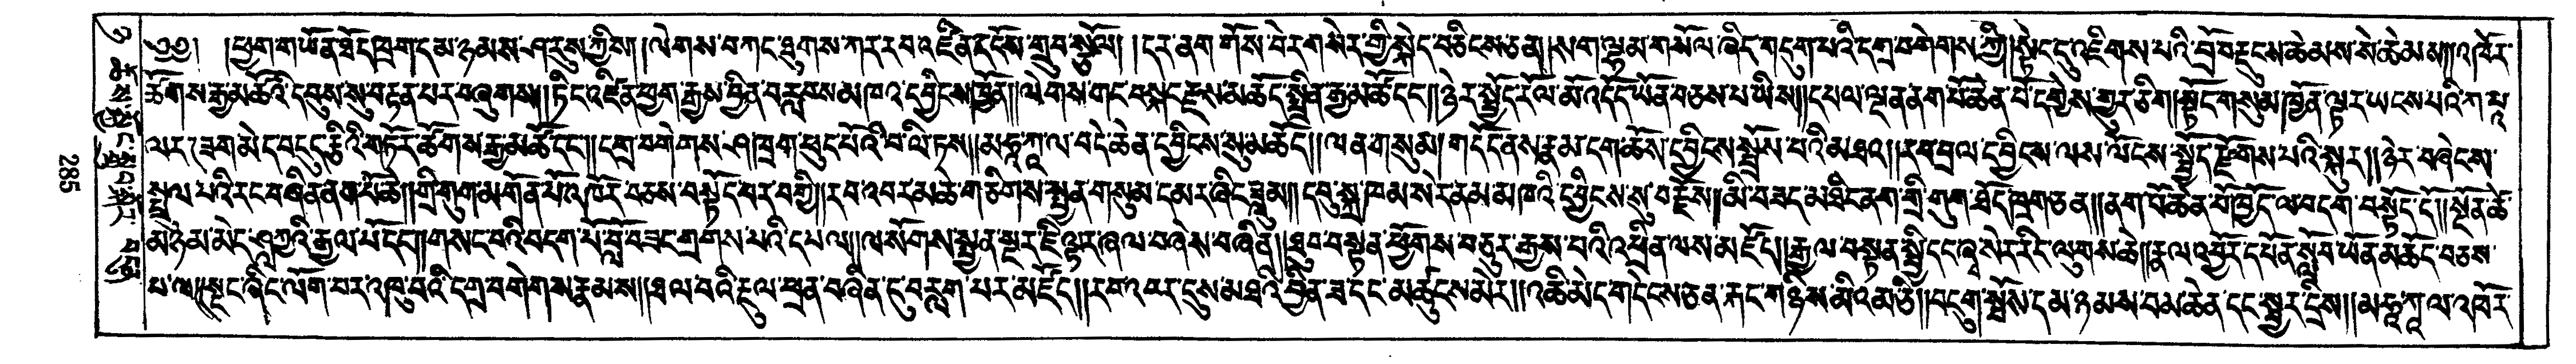༄༅། །ཕྱག་གཡོན་ཐོད་ཁྲག་དམ་ཉམས་ཤ་རུས་ཀྱིས། །ལེགས་བཀད་ཐུགས་ཀར་རབ་འཛིན་དངོས་གྲུབ་སྩོལ། །དར་ནག་གོས་བེར་གསེར་གྱི་སྐེད་བཅིངས་ཅན། །སག་ལྷམ་གསོལ་ཞིང་གདུག་པའི་དགྲ་བགེགས་ཀྱི། །སྟེང་དུ་འཇིགས་པའི་བྲོ་བརྡུངས་ཆེམས་སེ་ཆེམས། །འཁོར་
ཚོགས་རྒྱ་མཚོའི་དབུས་སུ་བརྟན་པར་བཞུགས། །ཏིང་འཛིན་ཕྱག་རྒྱས་བྱིན་བརླབས་མཁའ་དབྱིངས་ཁྱོན། །ལེགས་གང་བསྐང་རྫས་མཆོད་སྤྲིན་རྒྱ་མཚོ་དང་། །ཉེར་སྤྱོད་རོལ་མོ་འདོད་ཡོན་བཅས་པ་ཡིས། །དཔལ་ལྡན་ནག་པོ་ཆེན་པོ་དགྱེས་གྱུར་ཅིག །སྟོང་གསུམ་ཁྱོན་ལྟར་ཡངས་པའི་ཀ་སཱ་
ལར༑ ཟག་མེད་བདུད་རྩིའི་གཏོར་ཚོགས་རྒྱ་མཚོ་དང་། །དགྲ་བགེགས་ཤ་ཁྲག་ཕུང་པོའི་བ་ལིཾ་ཏས། །མཧཱ་ཀཱ་ལ་བདེ་ཆེན་དབྱིངས་སུ་མཆོད། །ལན་གསུམ། །གདོད་ནས་རྣམ་དག་ཆོས་དབྱིངས་སྤྲོས་པའི་མཐའ། །རབ་བྲལ་དབྱིངས་ལས་ལོངས་སྤྱོད་རྫོགས་པའི་སྐུར། །ཉེར་བཞེངས་
སྤྲུལ་པའི་རང་བཞིན་ནག་པོ་ཆེ། །གྲི་གུག་མགོན་པོ་འཁོར་བཅས་བསྟོད་པར་བགྱི། །རབ་འབར་མཆེ་གཙིགས་སྤྱན་གསུམ་དམར་ཞིང་ཟླུམ། །དབུ་སྐྲ་ཁམ་སེར་ནམ་མཁའི་དབྱིངས་སུ་བརྫེས། །མི་བཟད་མཐིང་ནག་གྲི་གུག་ཐོད་ཁྲག་ཅན། །ནག་པོ་ཆེན་པོ་ཁྱོད་ལ་བདག་བསྟོད་དོ། །སྔོན་ཚེ་
མཉམ་མེད་ཤཱཀྱའི་རྒྱལ་པོ་དང་། །གསང་བའི་བདག་པོ་བློ་བཟང་གྲགས་པའི་དཔལ། །ལ་སོགས་སྤྱན་སྔར་ཇི་ལྟར་ཞལ་བཞེས་བཞིན། །ཐུབ་བསྟན་ཕྱོགས་བཅུར་རྒྱས་པའི་འཕྲིན་ལས་མཛོད། །རྒྱལ་བསྟན་སྤྱི་དང་ཞྭ་སེར་རིང་ལུགས་ཆེ། །རྣལ་འབྱོར་དཔོན་སློབ་ཡོན་མཆོད་བཅས་
པ་ལ༑ ༑སྡང་ཞིང་ལོག་པར་འཁུ་བའི་དགྲ་བགེགས་རྣམས། །ཐལ་བའི་རྡུལ་ཕྲན་བཞིན་དུ་བརླག་པར་མཛོད། །རབ་འབར་དུས་མཐའི་བྱིན་ཟ་དང་མཚུངས་མེར། །འཆི་མེད་གདེངས་ཅན་རྐང་གཉིས་མིའམ་ཅི། །བདུག་སྤོས་དམ་ཉམས་བམ་ཆེན་དང་སྦྱར་དྲིས། །མཧཱ་ཀཱ་ལ་འཁོར་